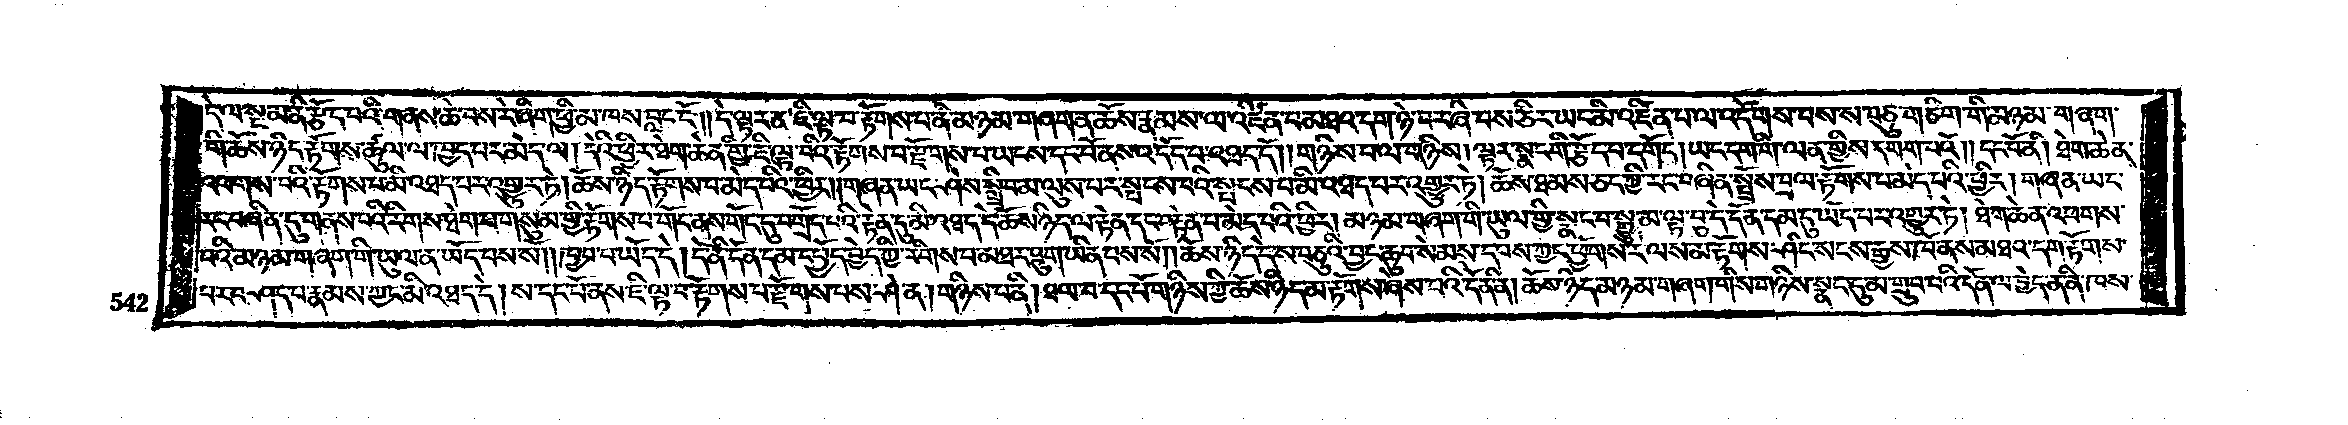དེ་ལ་སྔ་མ་ནི་རྩོད་པའི་གནས་ཆེ་བས་རེ་ཞིག་ཕྱི་མ་ཁས་བླང་ངོ། །དེ་དེ་ལྟར་ན་ཇི་ལྟ་བ་རྟོགས་པ་ནི་མཉམ་གཞག་ན་ཆོས་རྣམས་ལ་འཛིན་པ་མཐའ་དག་ཉེ་བར་ཞི་བས་ཅིར་ཡང་མི་འཛིན་པ་ལ་འདོགས་པས་ས་བཅུ་གཅིག་གི་མཉམ་གཞག་
གི་ཆོས་ཉིད་རྟོགས་ཚུལ་ལ་ཁྱད་པར་མེད་ལ། དེའི་ཕྱིར་ཐེག་ཆེན་གྱི་ཇི་ལྟ་བའི་རྟོགས་པ་རྫོགས་པ་ཡངས་དང་པོ་ནས་འདོད་པ་འཐད་དོ། །གཉིས་པ་ལ་གཉིས། ལྟར་སྣང་གི་རྩོད་པ་དགོད། ཡང་དག་གི་ལན་གྱིས་དགག་པའོ། །དང་པོ་ནི། ཐེག་ཆེན་
འཕགས་པའི་རྟོགས་པ་མི་འཐད་པར་འགྱུར་ཏེ། ཆོས་ཉིད་རྟོགས་པ་མེད་པའི་ཕྱིར། །གཞན་ཡང་ཤེས་སྒྲིབ་མ་ལུས་པར་སྤངས་པའི་སྤངས་པ་མི་འཐད་པར་འགྱུར་ཏེ། ཆོས་ཐམས་ཅད་ཀྱི་རང་བཞིན་སྤྲོས་བྲལ་རྟོགས་པ་མེད་པའི་ཕྱིར། གཞན་ཡང་
རང་བཞིན་དུ་གནས་པའི་རིགས་ཐེག་པ་གསུམ་གྱི་རྟོགས་པ་གོང་ནས་གོང་དུ་བགྲོད་པའི་རྟེན་དུ་མི་འཐད་དེ་ཆོས་ཉིད་ལ་རྟེན་དང་བརྟེན་པ་མེད་པའི་ཕྱིར། མཉམ་གཞག་གི་ཡུལ་གྱི་སྣང་བ་སྒྱུ་མ་ལྟ་བུ་དེ་དོན་དམ་དུ་ཡོད་པར་འགྱུར་ཏེ། ཐེག་ཆེན་འཕགས་
པའི་མཉམ་གཞག་གི་ཡུལ་ན་ཡོད་པས་སོ། །ཁྱབ་པ་ཡོད་དེ། དེ་ནི་དོན་དམ་དཔྱོད་བྱེད་ཀྱི་རིགས་པ་མཐར་ཐུག་ཡིན་པས་སོ། །ཆོས་ཉིད་དེ་ས་བཅུའི་བྱང་ཆུབ་སེམས་དཔས་ཀྱང་ཕྱོགས་རེ་ལས་མ་རྟོགས་ཤིང་སངས་རྒྱས་ཁོ་ནས་མཐའ་དག་རྟོགས་
པར་བཤད་པ་རྣམས་ཀྱང་མི་འཐད་དེ། ས་དང་པོ་ནས་ཇི་ལྟ་བ་རྟོགས་པ་རྫོགས་པས་ཤེ་ན། གཉིས་པ་ནི། ཐལ་བ་དང་པོ་གཉིས་ཀྱི་ཆོས་ཉིད་མ་རྟོགས་ཞེས་པའི་དོན་ནི། ཆོས་ཉིད་མཉམ་གཞག་གིས་གཉིས་སྣང་དུ་མ་གྲུབ་པའི་དོན་ལ་བྱེད་ན་ནི་ཁས་